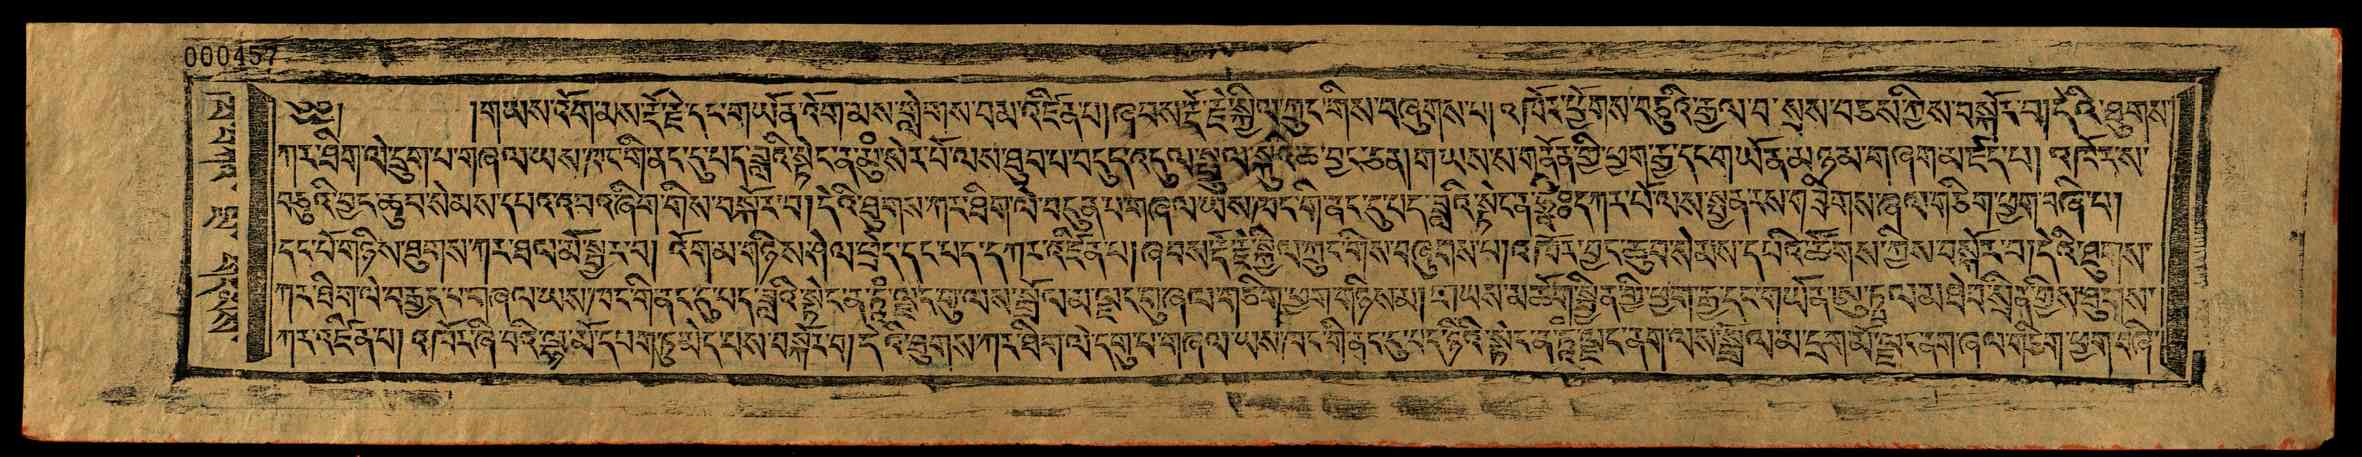༄༅། །གཡས་འོག་མས་རྡོ་རྗེ་དང་གཡོན་འོག་མས་གླེགས་བམ་འཛིན་པ། ཞབས་རྡོ་རྗེ་སྐྱིལ་ཀྲུང་གིས་བཞུགས་པ། འཁོར་ཕྱོགས་བཅུའི་རྒྱལ་བ་སྲས་བཅས་ཀྱིས་བསྐོར་བ། དེའི་ཐུགས་
ཀར་ཐིག་ལེ་དྲུག་པ་གཞལ་ཡས་ཁང་གི་ནང་དུ་པད་ཟླའི་སྟེང་ན་མུཾ་སེར་པོ་ལས་ཐུབ་པ་བདུད་འདུལ་སྤྲུལ་སྐུའི་ཆ་བྱད་ཅན། གཡས་གནོན་གྱི་ཕྱག་རྒྱ་དང་གཡོན་མཉམ་གཞག་མཛད་པ། འཁོར་ས་
བཅུའི་བྱང་ཆུབ་སེམས་དཔའ་འབའ་ཞིག་གིས་བསྐོར་བ། དེའི་ཐུགས་ཀར་ཐིག་ལེ་བདུན་པ་གཞལ་ཡས་ཁང་གི་ནང་དུ་པད་ཟླའི་སྟེང་ན་ཧྲཱིཿ དཀར་པོ་ལས་སྤྱན་རས་གཟིགས་ཞལ་གཅིག་ཕྱག་བཞི་པ།
དང་པོ་གཉིས་ཐུགས་ཀར་ཐལ་མོ་སྦྱར་བ། འོག་མ་གཉིས་ཤེལ་ཕྲེང་དང་པད་དཀར་འཛིན་པ། ཞབས་རྡོ་རྗེ་སྐྱིལ་ཀྲུང་གིས་བཞུགས་པ། འཁོར་བྱང་ཆུབ་སེམས་དཔའི་ཚོགས་ཀྱིས་བསྐོར་བ། དེའི་ཐུགས་
ཀར་ཐིག་ལེ་བརྒྱད་པ་གཞལ་ཡས་ཁང་གི་ནང་དུ་པད་ཟླའི་སྟེང་ན་ཏཱཾ་ལྗང་གུ་ལས་སྒྲོལ་མ་ལྗང་གུ་ཞལ་གཅིག་ཕྱག་གཉིས་མ། གཡས་མཆོག་སྦྱིན་གྱི་ཕྱག་རྒྱ་དང་གཡོན་ཨུཏྤལ་མཐེབ་སྲིན་གྱིས་ཐུགས་
ཀར་འཛིན་པ། འཁོར་ཞི་བའི་ལྷ་མོ་དཔག་ཏུ་མེད་པས་བསྐོར་བ། དེའི་ཐུགས་ཀར་ཐིག་ལེ་དགུ་པ་གཞལ་ཡས་ཁང་གི་ནང་དུ་པད་ཉིའི་སྟེང་ན་ཏཱཾ་ལྗང་ནག་ལས་སྒྲོལ་མ་དྲག་མོ་ལྗང་ནག་ཞལ་གཅིག་ཕྱག་བཞི་